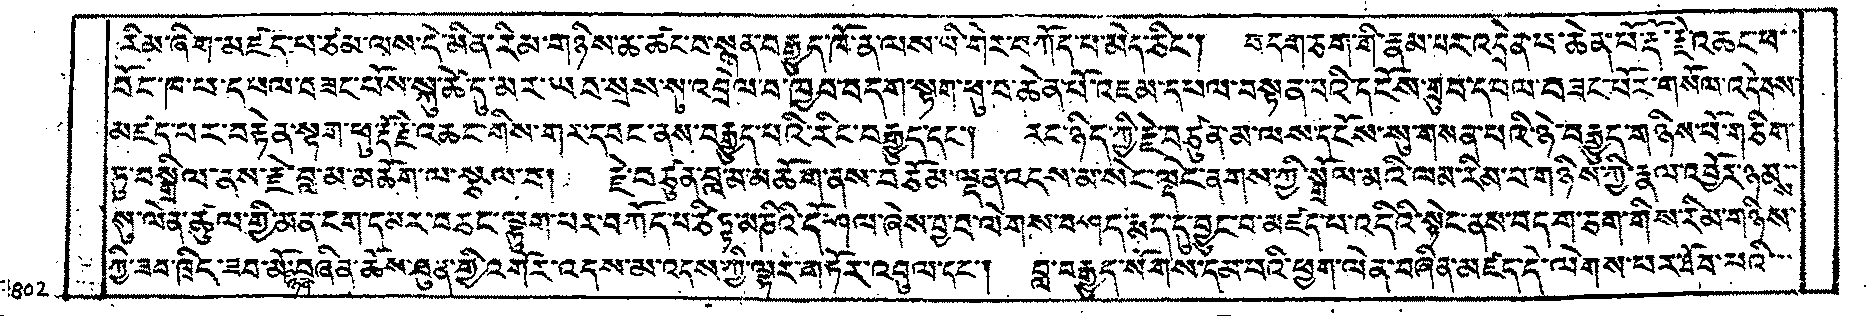རིམ་ཞིག་མཛད་པ་ཙམ་ལས་དེ་མིན་རིམ་གཉིས་ཆ་ཚང་བ་སྙན་བརྒྱུད་ཁོ་ན་ལས་ཡི་གེར་བཀོད་པ་མེད་ཅིང་། བདག་ཅག་གི་རྣམ་པར་འདྲེན་པ་ཆེན་པོ་རྡོ་རྗེ་འཆང་ཕ་
བོང་ཁ་པ་དཔལ་བཟང་པོས་སྐུ་ཚེ་དུ་མར་ཡབ་སྲས་སུ་འབྲེལ་བ་ཁྱབ་བདག་སྟག་ཕུ་བ་ཆེན་པོ་འཇམ་དཔལ་བསྟན་པའི་དངོས་གྲུབ་དཔལ་བཟང་པོར་གསོལ་འདེབས་
མཛད་པར་བརྟེན་སྟག་ཕུ་རྡོ་རྗེ་འཆང་གིས་གར་དབང་ནས་བརྒྱུད་པའི་རིང་བརྒྱུད་དང་། རང་ཉིད་ཀྱི་རྗེ་བཙུན་མ་ལས་དངོས་སུ་གསན་པའི་ཉེ་བརྒྱུད་གཉིས་པོ་གཅིག་
ཏུ་བསྒྲིལ་ནས་རྗེ་བླ་མ་མཆོག་ལ་སྩལ་བ། རྗེ་བཙུན་བླ་མ་མཆོག་ནས་བཅོམ་ལྡན་འདས་མ་སེང་ལྡེང་ནགས་ཀྱི་སྒྲོལ་མའི་ལམ་རིམ་པ་གཉིས་ཀྱི་རྣལ་འབྱོར་ཉམས་
སུ་ལེན་ཚུལ་གྱི་མན་ངག་དམར་བཅང་ལྷུག་པར་བཀོད་པ་ཙིཏྟ་མ་ཎིའི་དོ་ཤལ་ཞེས་བྱ་བ་ལེགས་བཤད་རྨད་དུ་བྱུང་བ་མཛད་པ་འདིའི་སྟེང་ནས་བདག་ཅག་གིས་རིམ་གཉིས་
ཀྱི་ཟབ་ཁྲིད་ཟབ་མོ་ཉིན་བཞིན་ཆོས་ཐུན་གྱི་འགོར་འདས་མ་འདས་ཀྱི་ལྷར་གཏོར་འབུལ་དང་། བླ་བརྒྱུད་སོགས་དམ་པའི་ཕྱག་ལེན་བཞིན་མཛད་དེ་ལེགས་པར་ཐོབ་པའི་